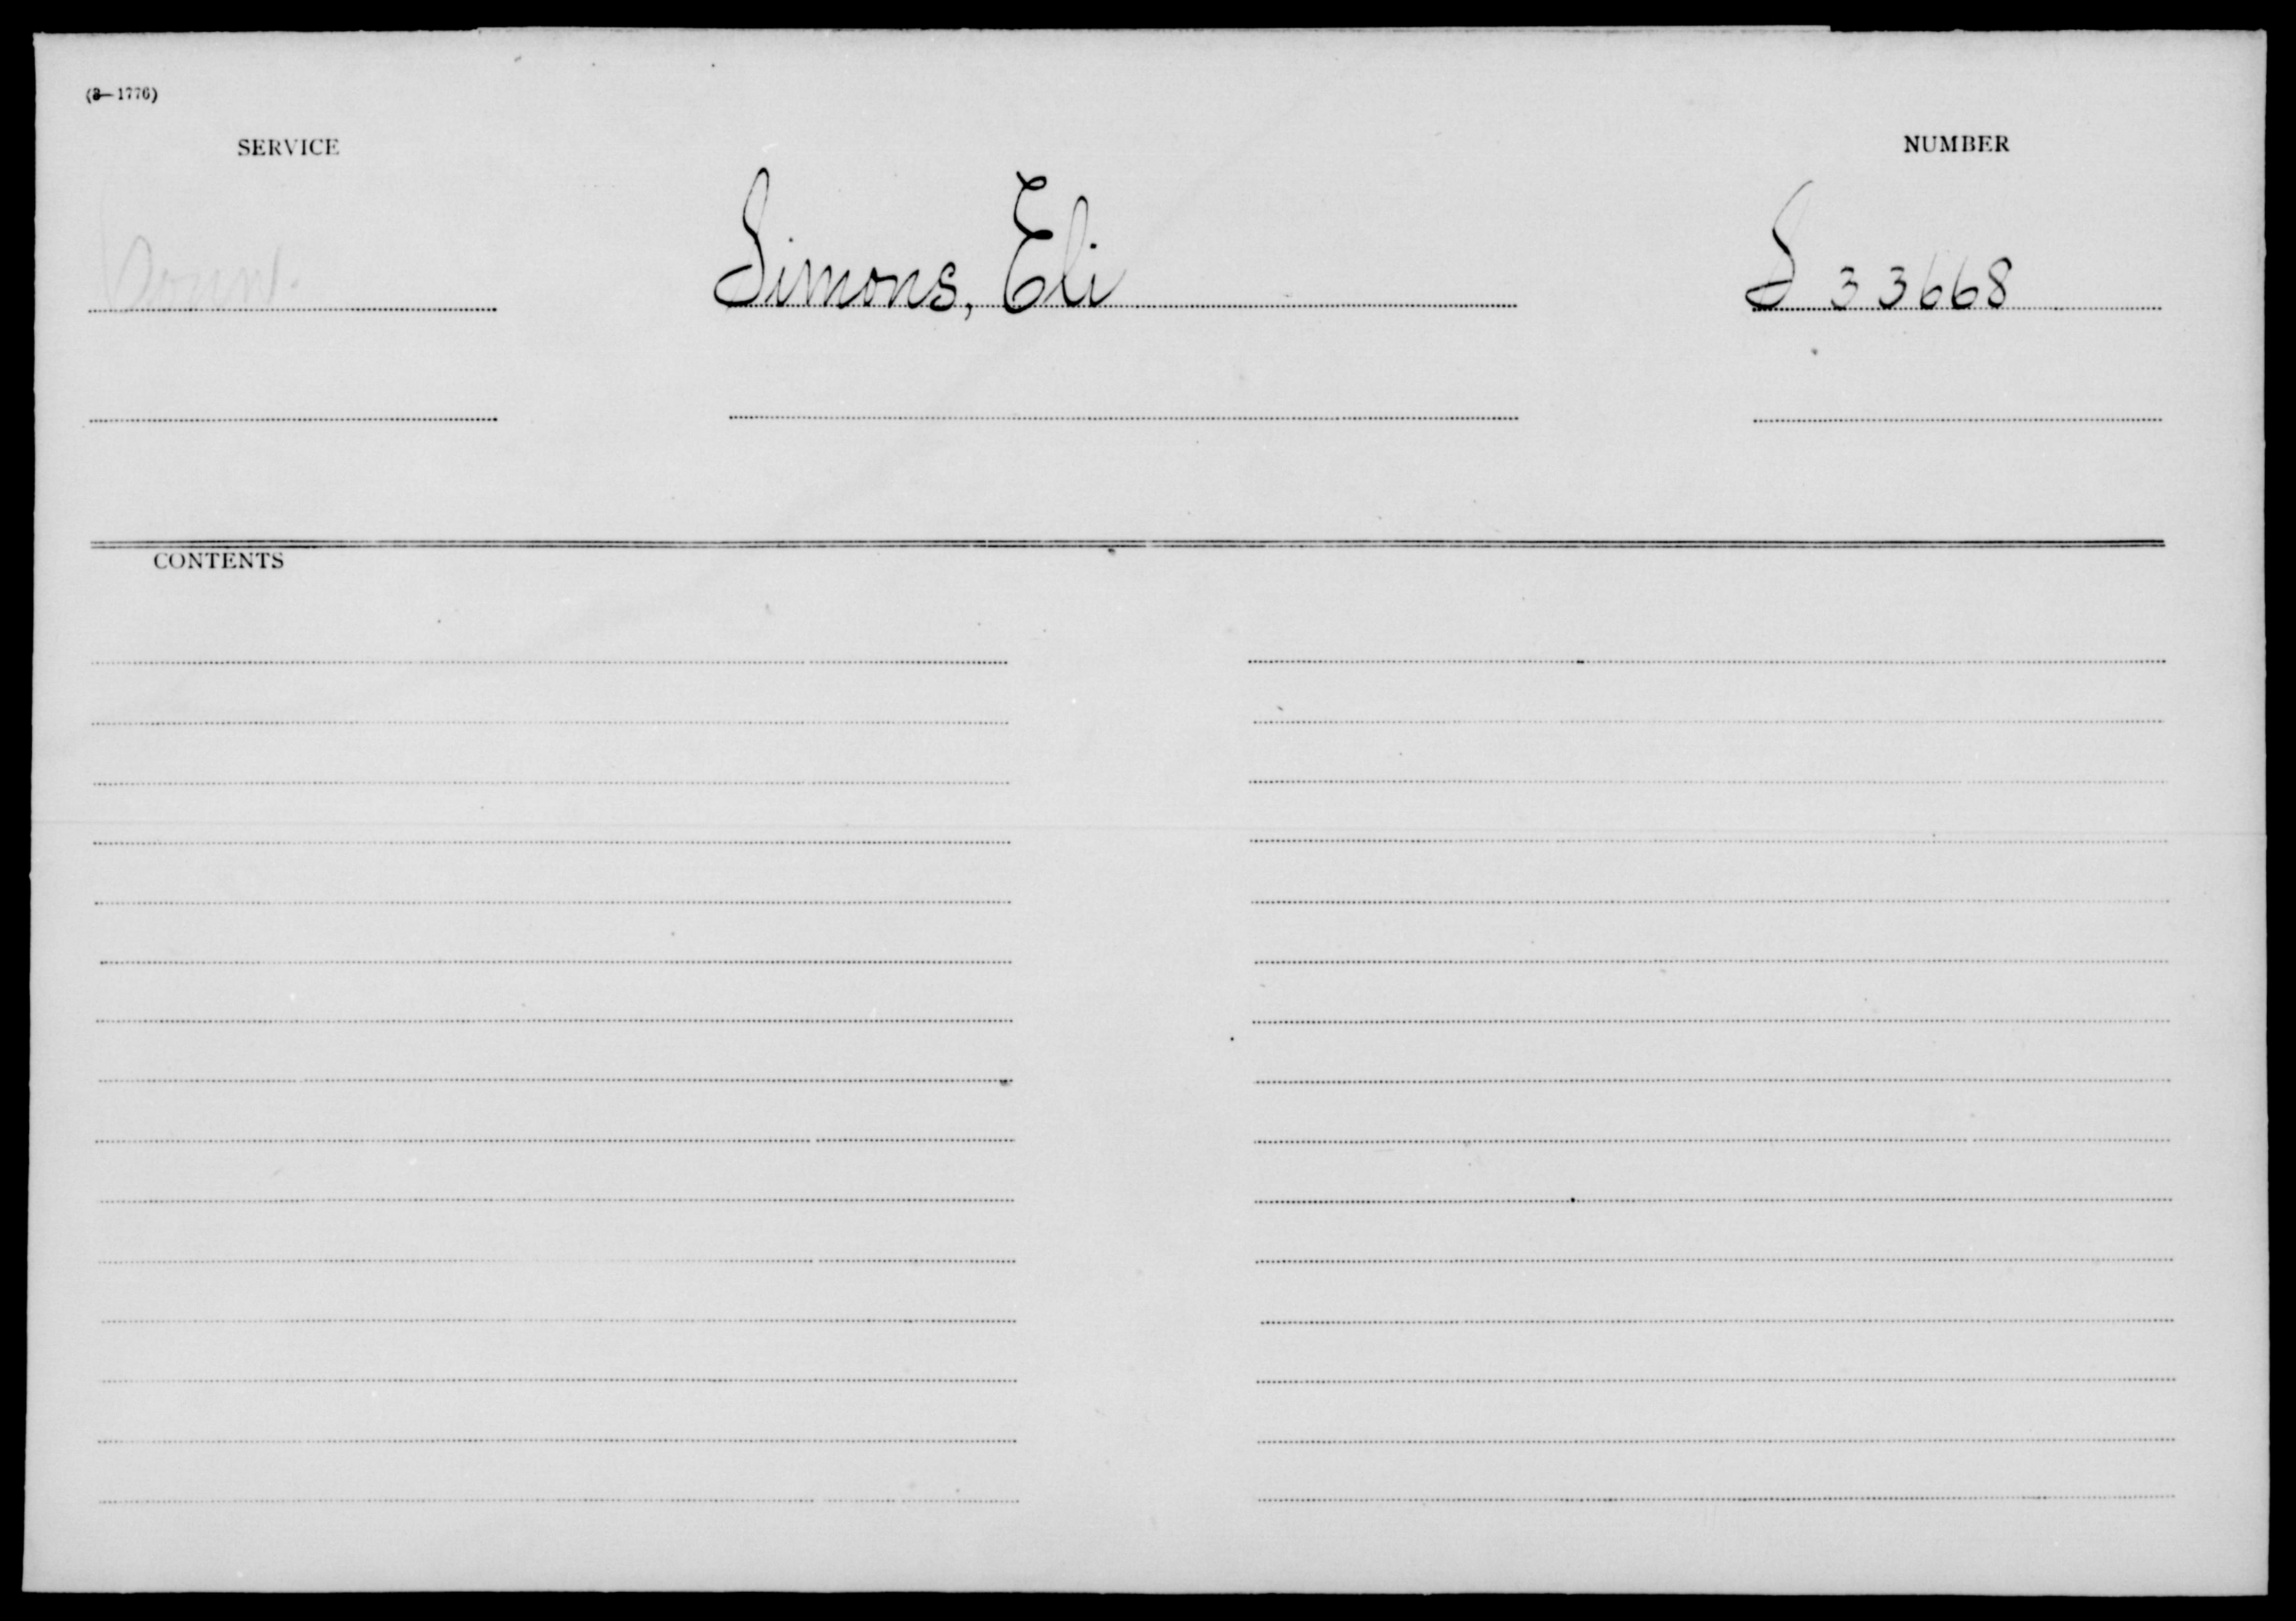Service
Conn.

Simons, Eli

Number
S33668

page: 1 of 20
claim: survivor's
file: S 33668, for Eli Simons, Connecticut